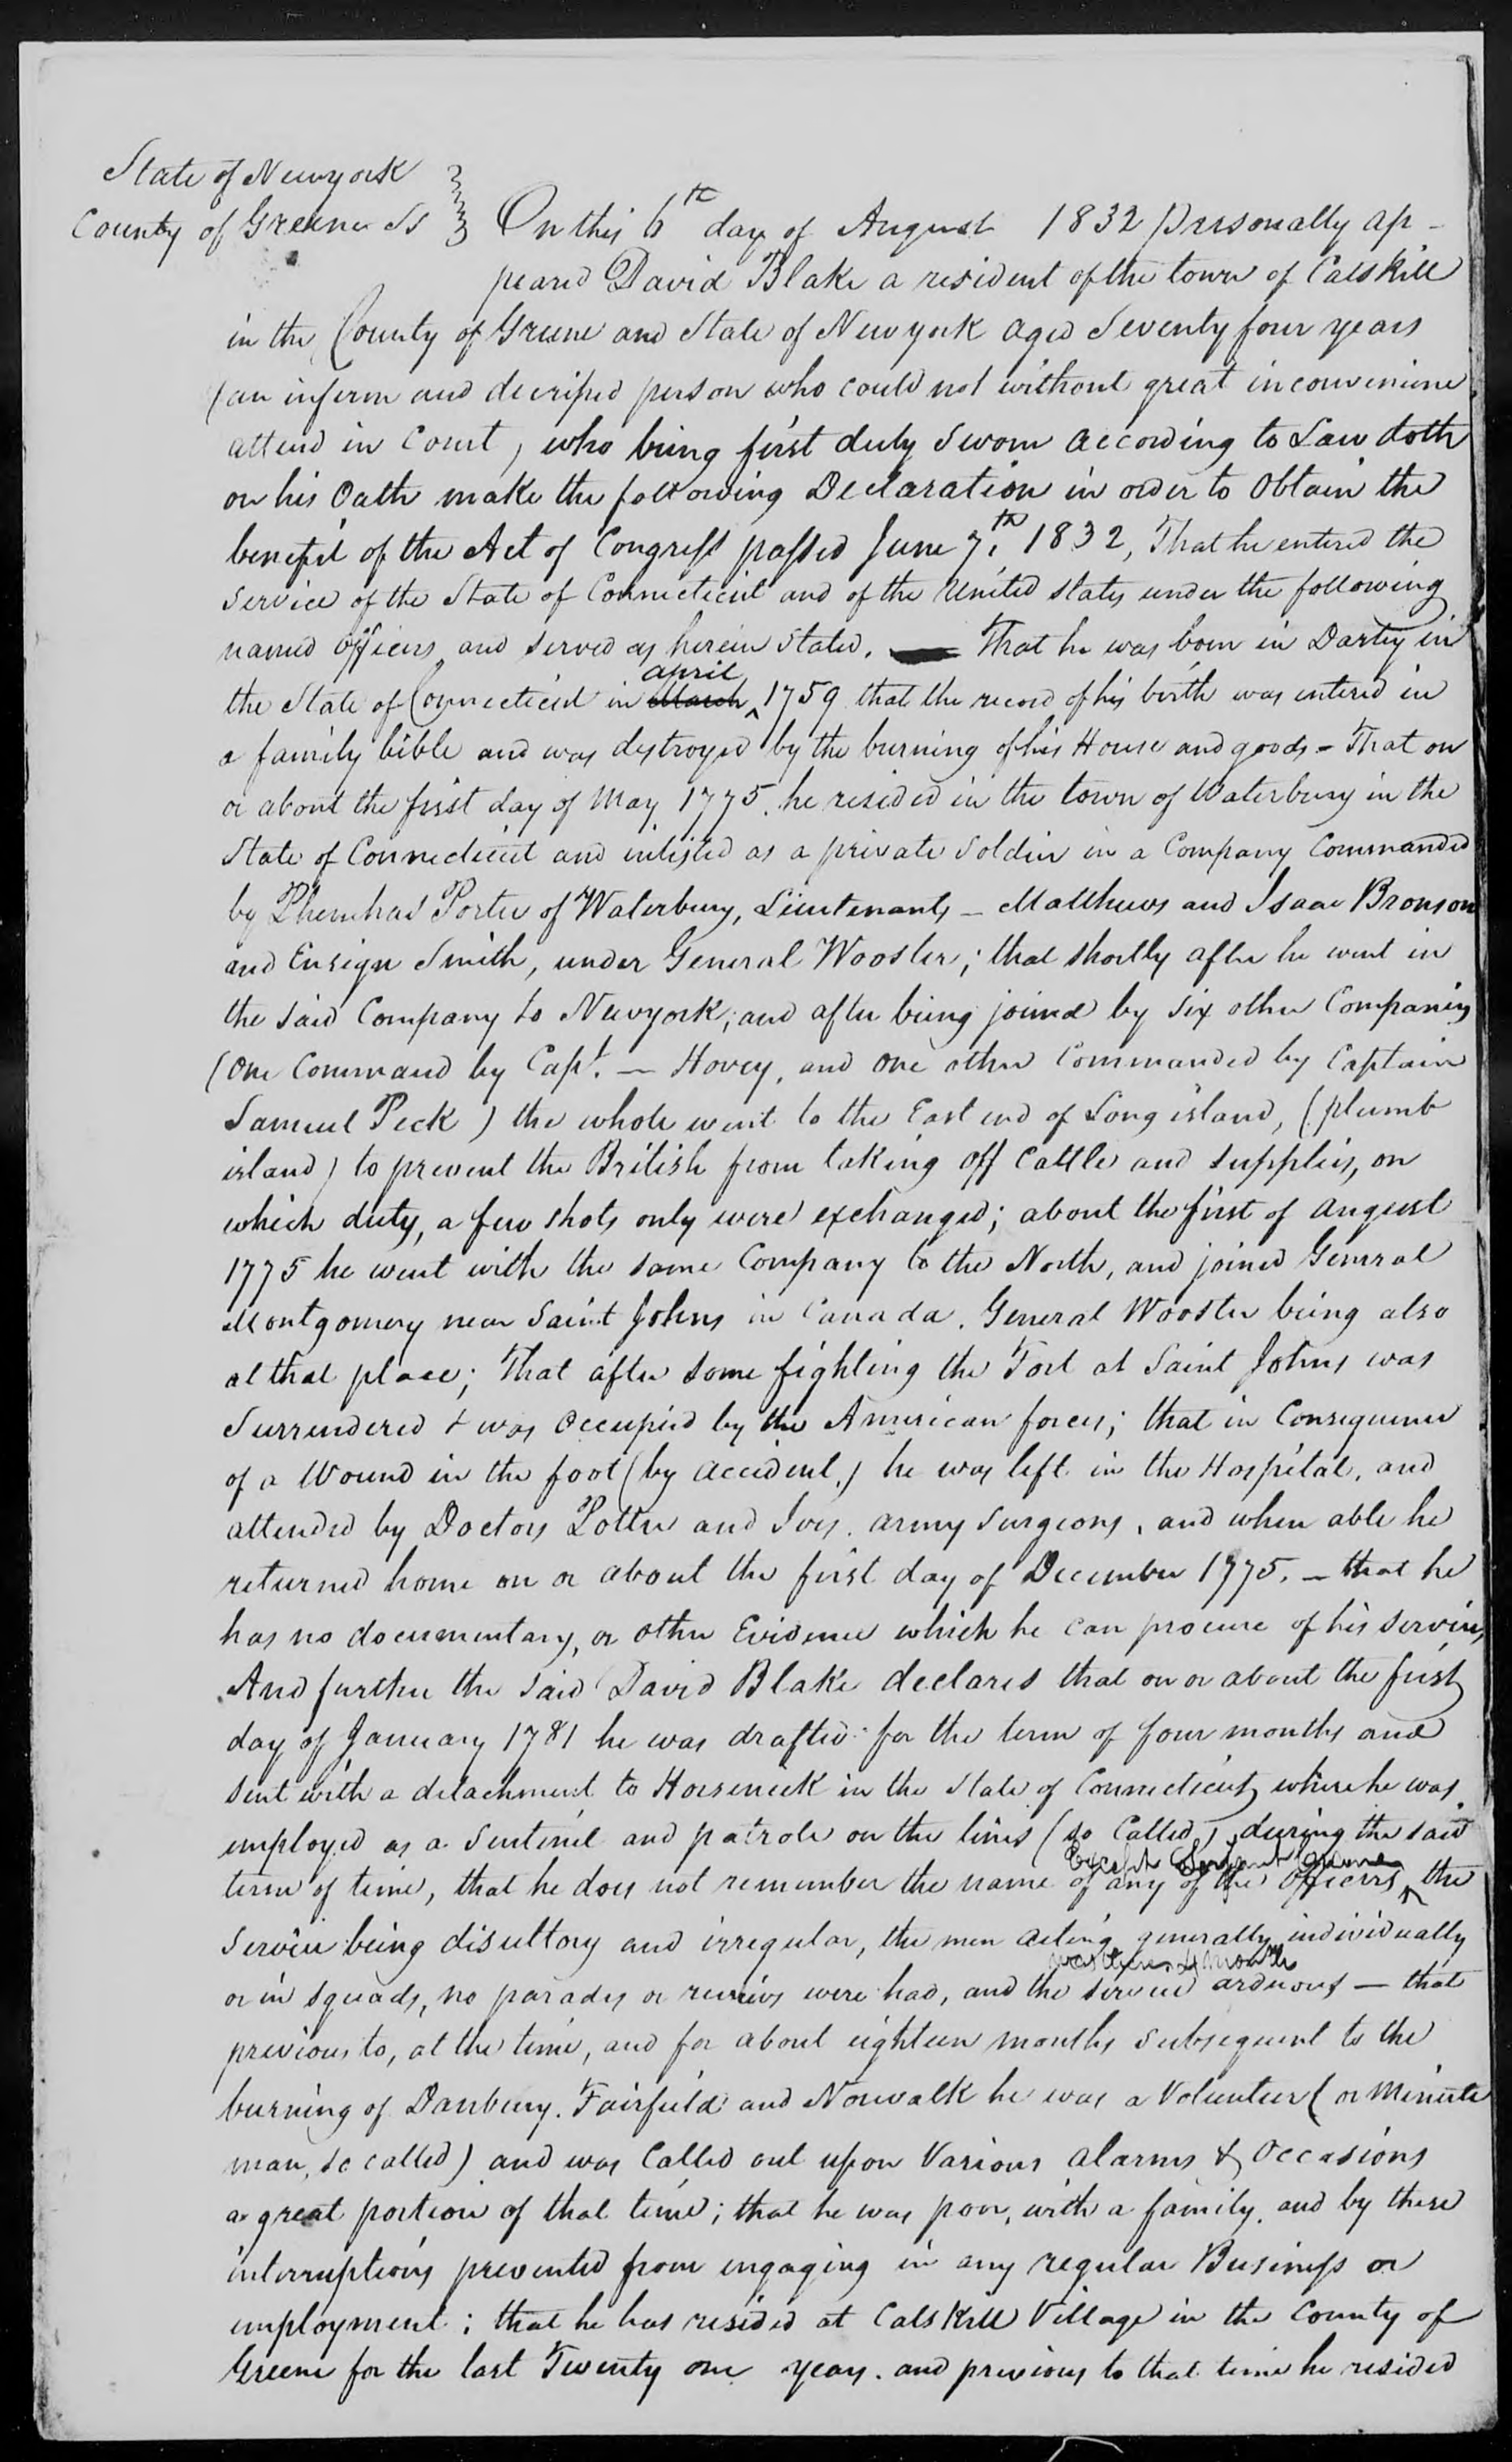State of New York
County of Greene
On this 6th day of August 1832 personally appeared
David Blake a resident of the town of Catskill
in the County of Greene and State of New York aged Seventy four years
an infirm and decriped person who could not without great inconveniece
attend in Court, who being first duly sworn according to Law doth
on his oath make the following declaration in order to obtain the
benefit of the Act of Congress passed June 7th 1832, That he entered the
service of the State of Connecticut and of the United States under the following
named officers and served as herein stated. That he was born in Darley in
the State of Connecticut in April 1759 that the record of his birth was entered in 
a family bible and was destroyed by the burning of his House and goods - That on
or about the first day of May 1775 he resided in the town of Waterbury in the
State of Connecticut and enlisted as a private Soldier in a Company commanded
by Phinehas Porter of Waterbury, Lieutenant - Matthews and Isaac Bronson ┃
and Ensign Smith, under General Wooster; that shortly after he went in
the said Company to New York; and after being joined by six other Companig
(One command by Capt. Hovey, and one other commanded by Captain
Samuel Pick) the whole went to the East end of Long island, (plumb
island) to prevent the British from taking off cattle and supplies, on
which duty, a few shots only were exchanged; about the first of August
1775 he went with the same company to the North, and joined General
Montgomery near Saint Johns in Canada. General Wooster being also
at that place; that after some fighting the Fort at Saint Johns was
Surrendered & was occupied by the American forces, that in consequence
of a wound in the foot (by accident) he was left in the Hospital, and
attended by Doctor Potter and Ivy, army surgeons, and when able he
returned home on or about the first day of December 1775, that he
has no documentary, or other evidence which he can procure of his serving
And further the said David Blake declared that on or about the first
day of January 1781 he was drafted for the term of four months and
sent with a detachment to Horseneck in the State of Connecticut where he was
employed as a Sentinel and patrole on the lines (so called) during the said
time of time, that he does not remember the name of any of the officers the
service being disultory and irregular, the men acting generally individually
or in squads, no parady or renive were had, and the service arduous- that
previous to, at the time, and for about eighteen months subsequent to the
burning of Danbury Fairfield and Norwalk he was a volunteer (or Minute
man, so called) and was called out upon various alarms & occasions
a great portion of that time; that he was poor, with a family, and by these
interuptions prevented from engaging in any regular Business or
employment, that he has resided at Catskill Village in the County of
Greene for the last Twenty one years, and previous to that time he resided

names: Ives, Potter, Smith, Wooster, Hovey, Phinehas Porter, Samuel Peck, Johns, David Blake, Matthews Bronson, David Blake, Isaac Bronson, Wooster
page: 4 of 21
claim: survivor's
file: S. 23,128, David Blake, Conn.